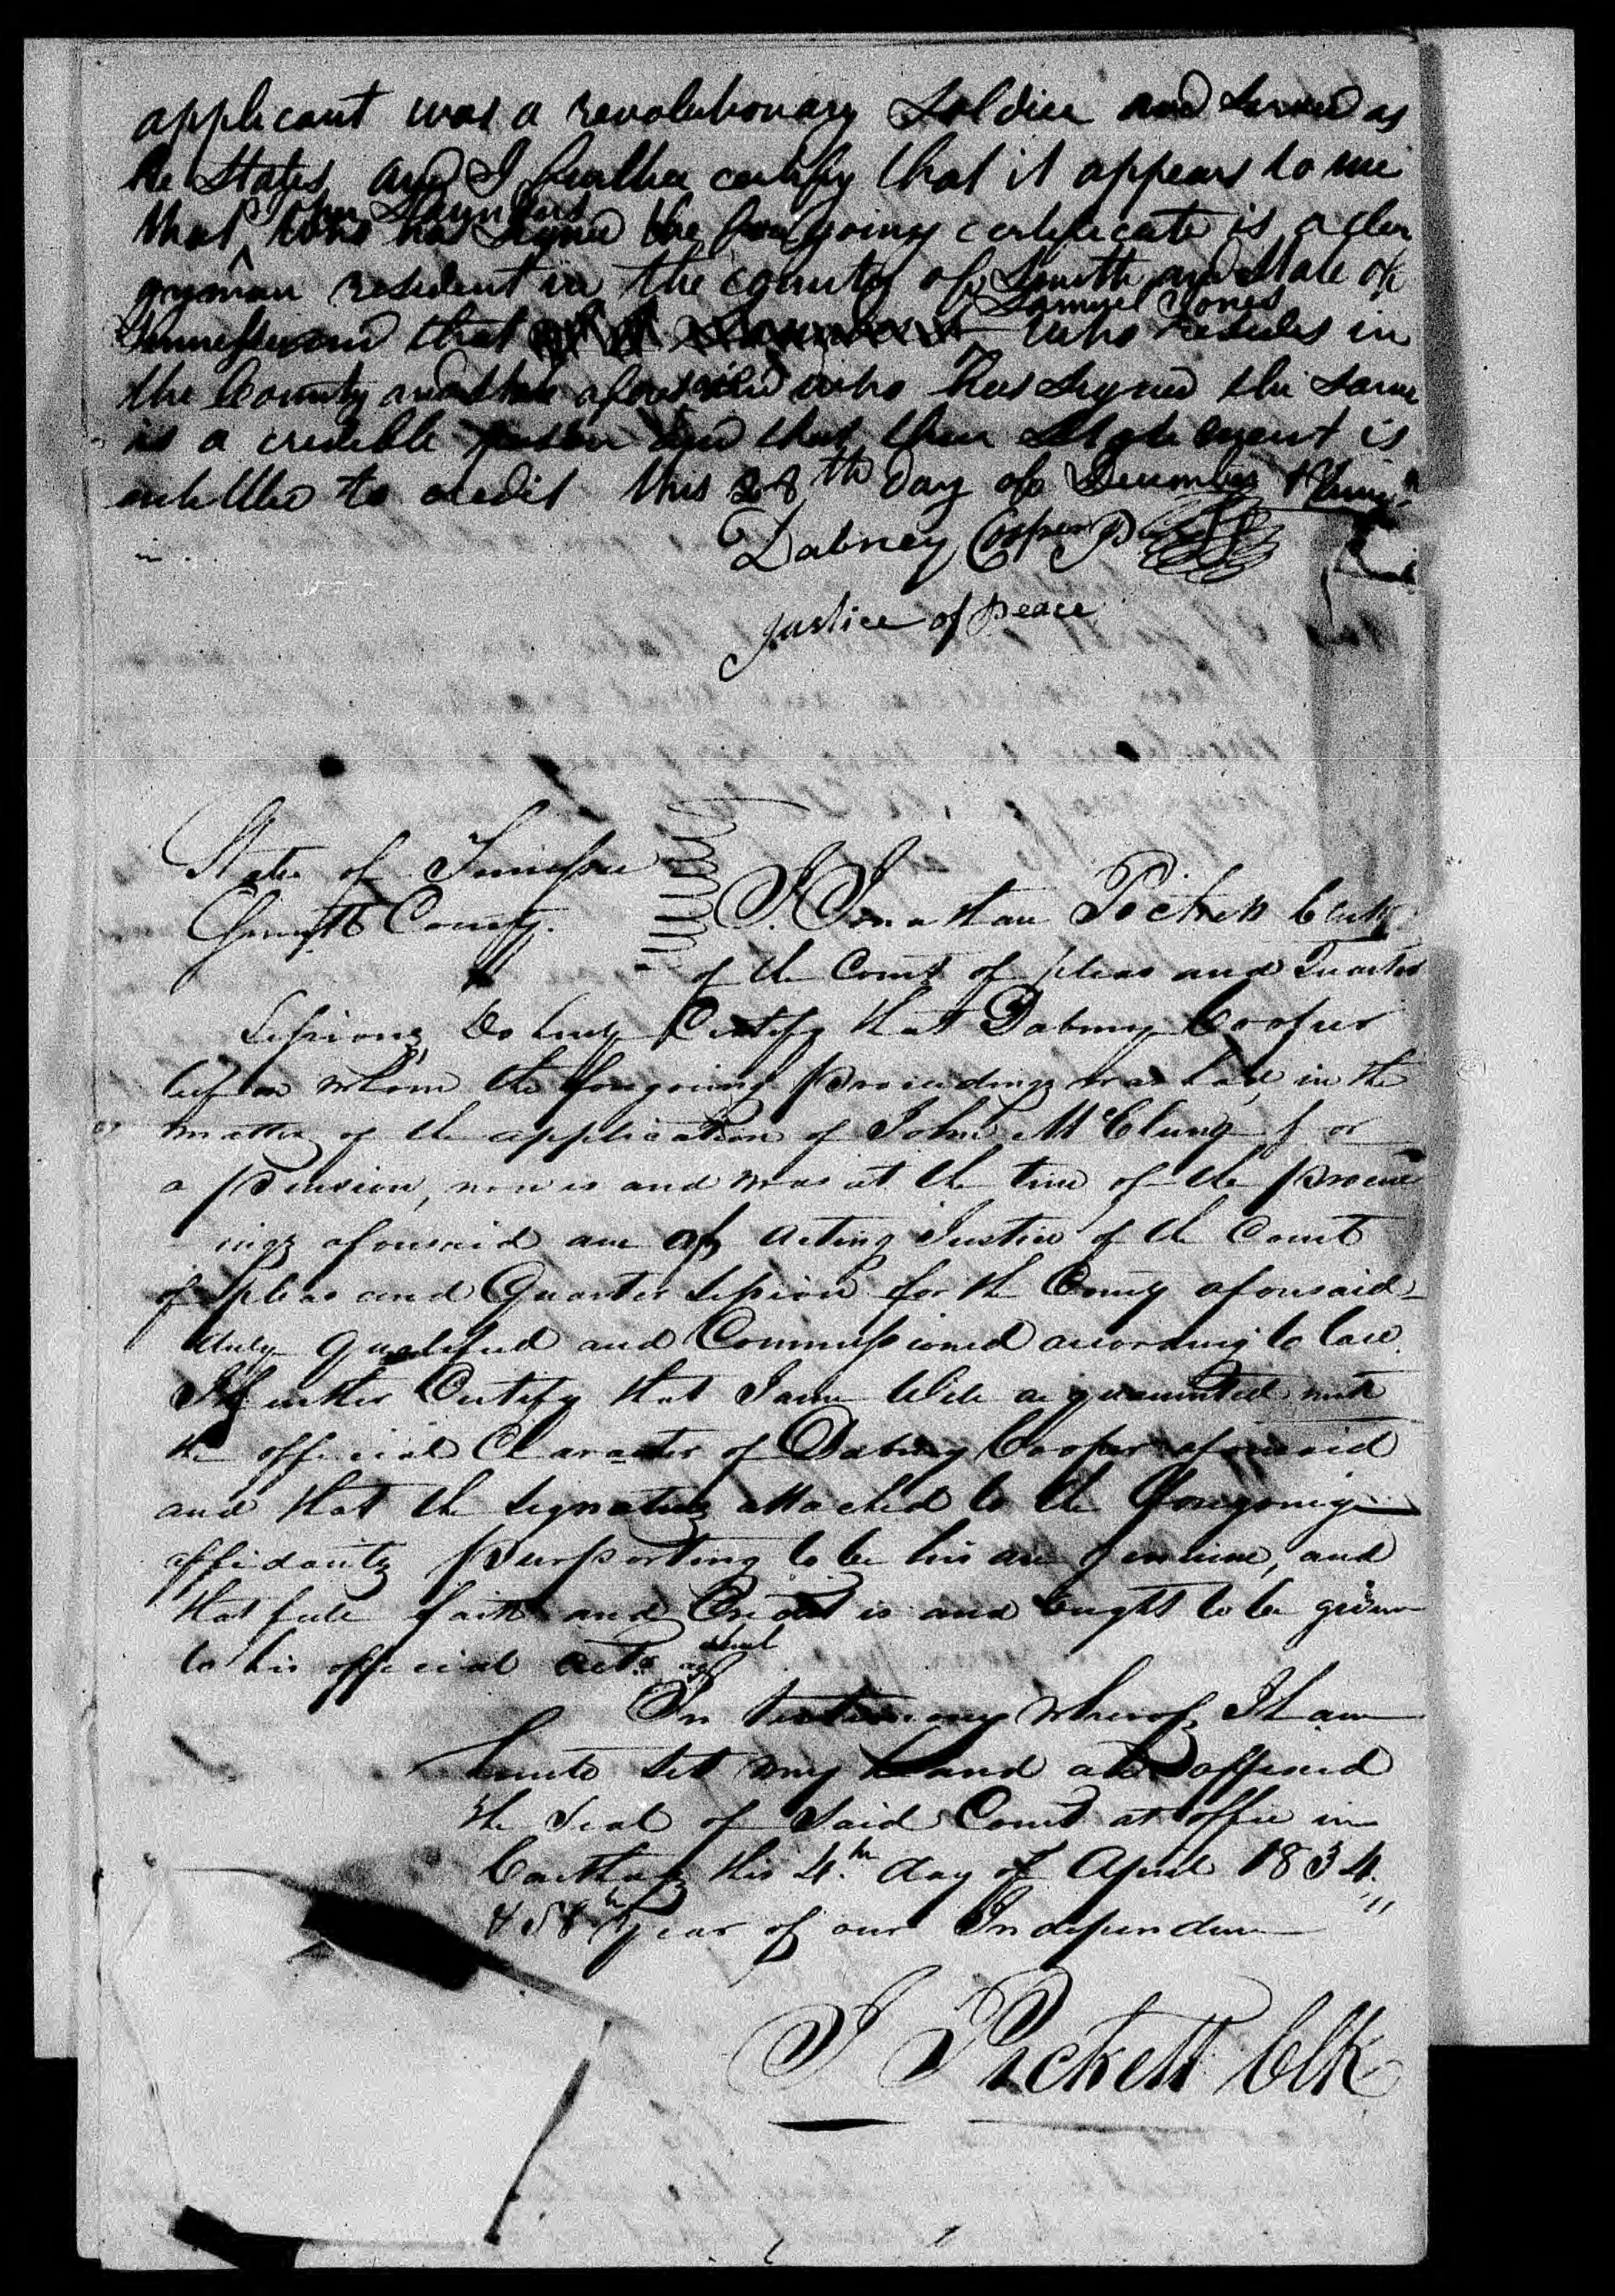applicant was a revolutionary Soldier and served as he States and I further certify that it appears to me that John Stamford who has signed the forgoing certificate is a clergyman resident in the County of Smith and State of Tennessee and that Samuel Jones who resides in the County and state  aforesaid who has signed the same is a credible person and that their [illegible] is entitled to credit this 28th day of December [illegible]
Dabney Cooper
Justice of Peace

City of Tennessee
Smith County
I Jonathan Pickett Clerk of the Court of pleas and Quarter Sessions do hereby Certify that Dabney  Cooper before whom the foregoing proceedings was taken in the matter of the application of John McClung for a pension, now is and was at the time of the proceeding aforesaid an acting Justice of the Court of pleas and Quarter Session for the County aforesaid duly qualified and Commissioned according to law.

I further Certify that I am well acquainted with official character of Dabney Cooper aforesaid and that the signature attached to the foregoing affidavits purporting to be his are genuine, and that full faith and credit is and ought to be given to his official act 

In testimony whereof I have hereto set my hand and affixed the Seal of said Court at office in Carthage this 4th day of April 1834.
& year of our Independence
1
Pickett Clk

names: Samuel Jones; John Mc Clung; Jonathan Pockett; Dabney Cooper; John Saunders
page: 46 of 115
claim: widow's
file: W. 1446, for John Mc Clung, South Carolina